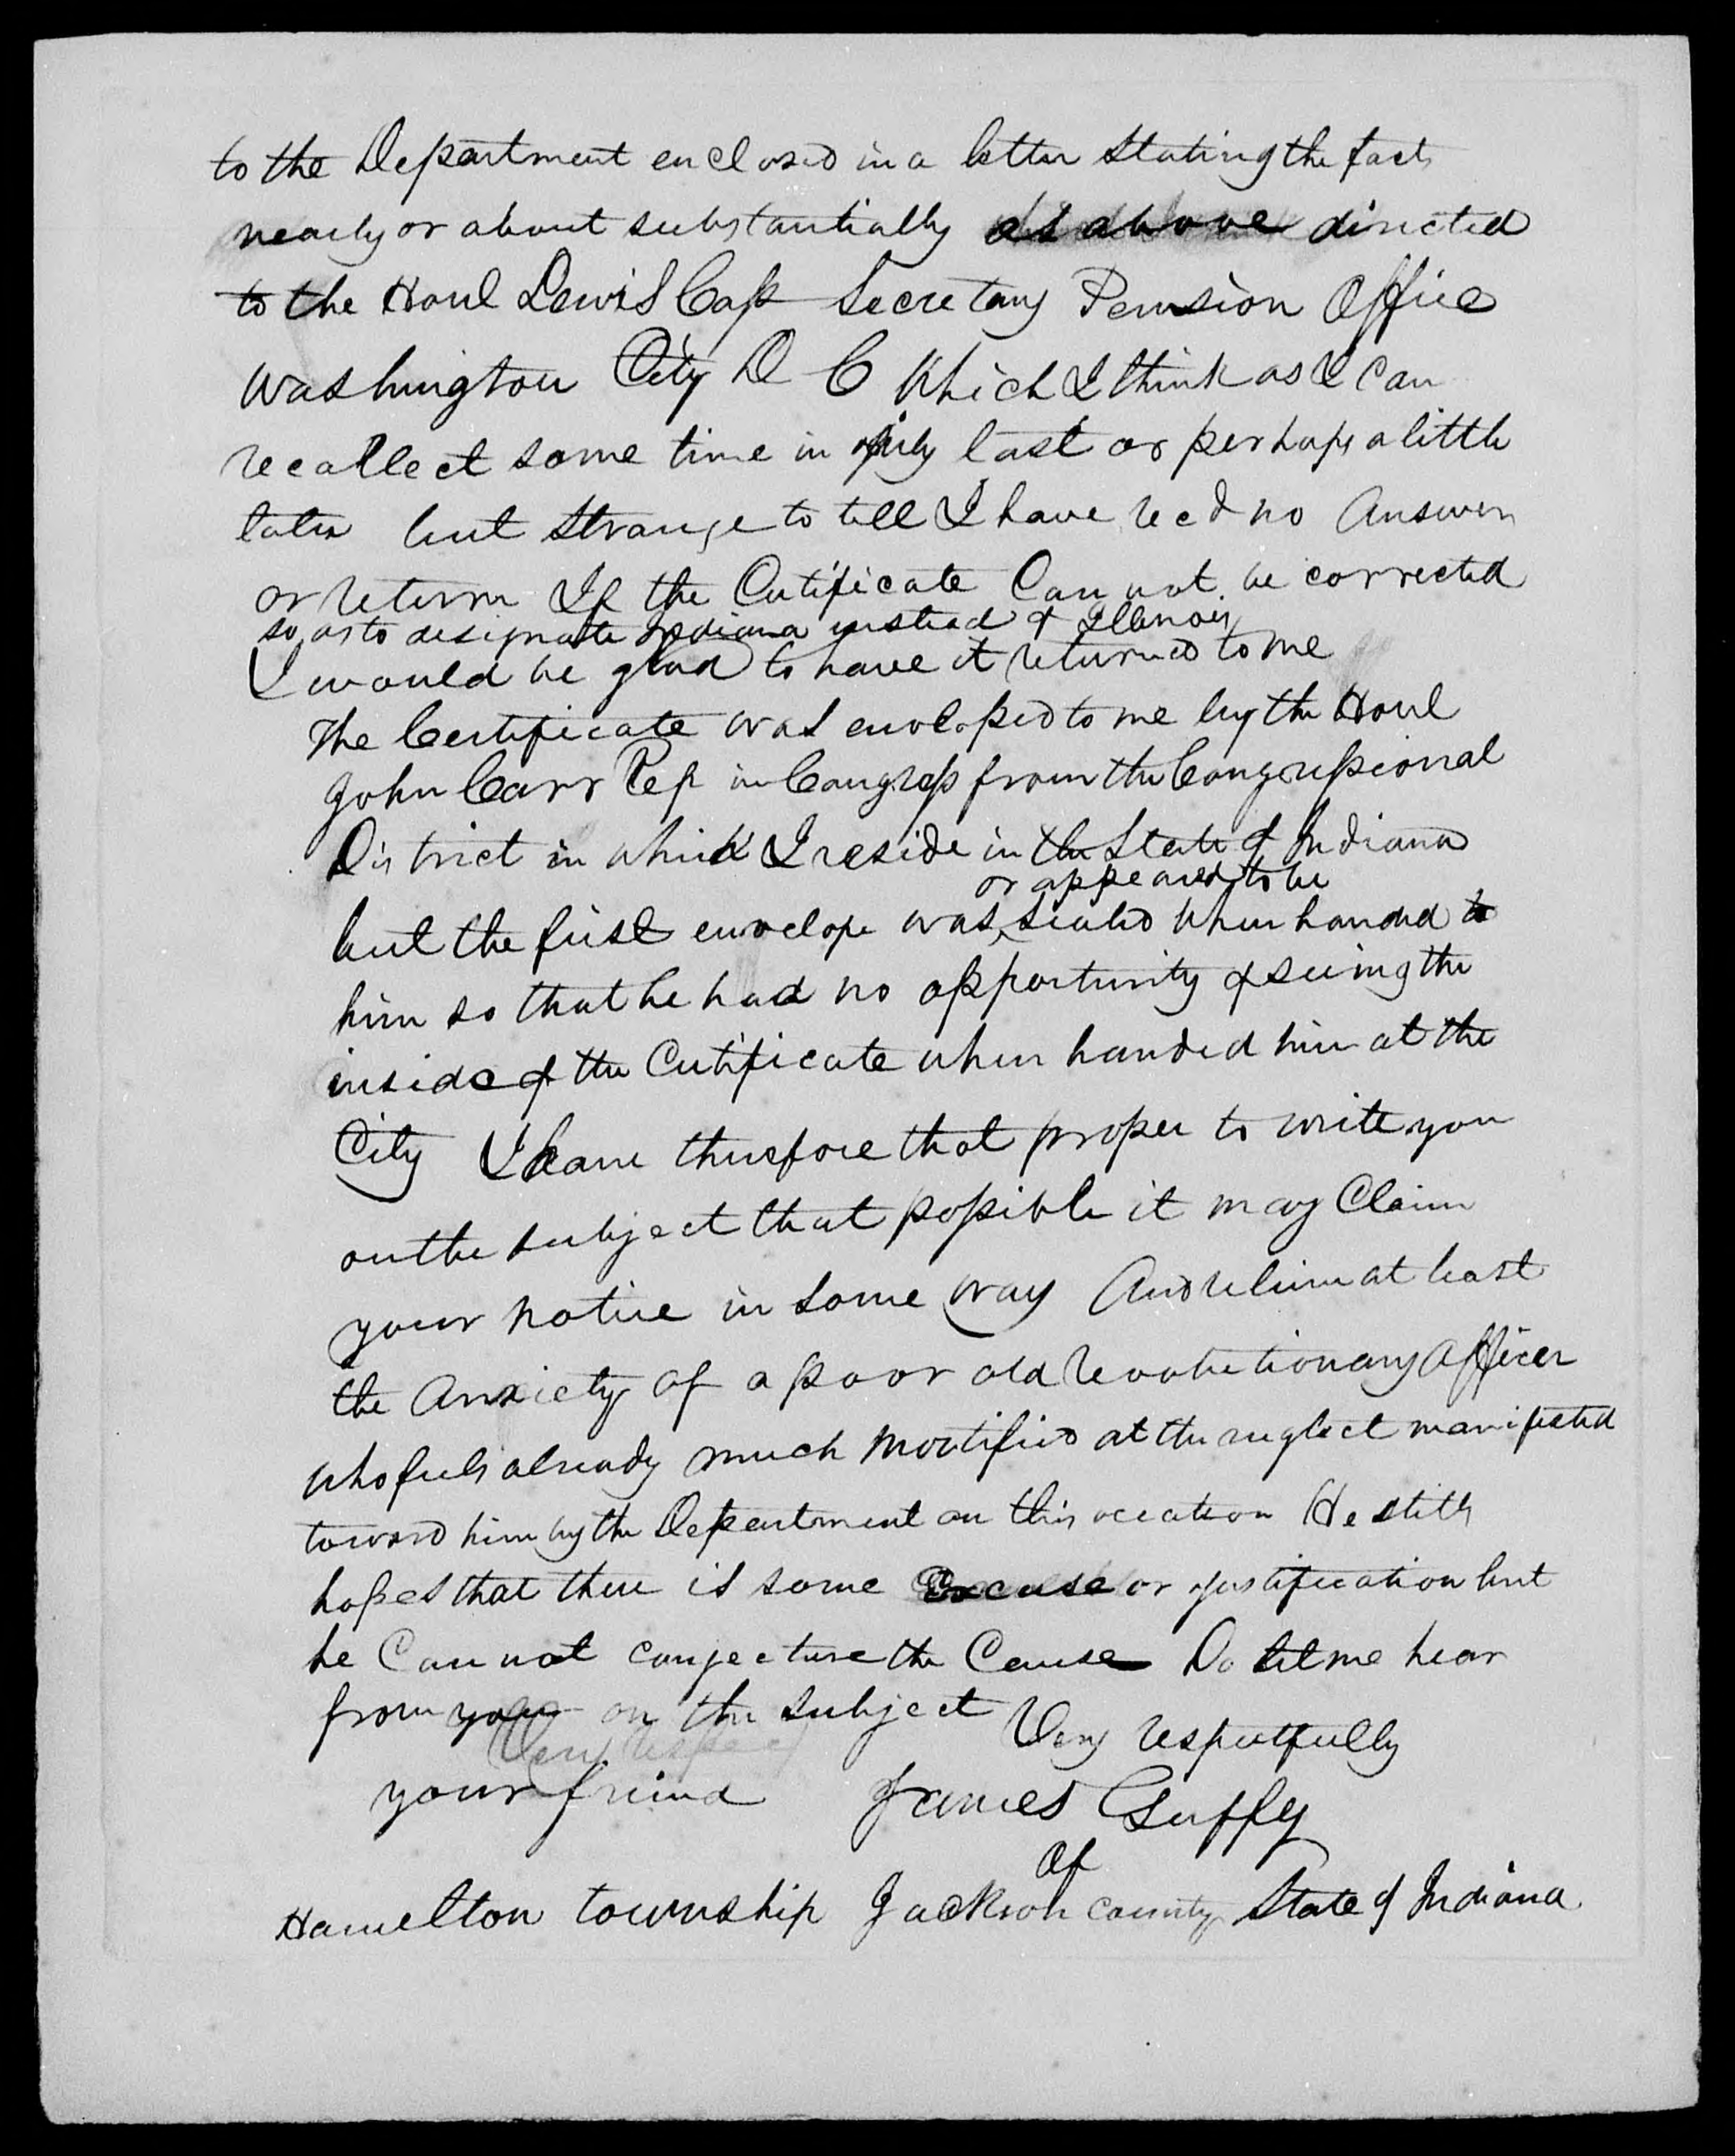to the Department enclosed in a letter stating the facts nearly or about substantially as above directed to the Honl Lewis Cass Secretary Pension Office Washington City D C Which I think as I can recollect some time in July last or perhaps a little later but strange to tell I have recd no answer or return If the Certificate cannot be corrected so as to designate Indiana instead of Illinois, I would be glad to have it returned to me
The Certificate was enveloped to me by the Honl
John Carr Rep in Congress from the Congressional District in which I reside in the State of Indiana but the first envelope was or appeared to be sealed when handed to
him so that he had no opportunity of seeing the inside of the Certificate when handed him at the City.
I have therefore that proper to write you
on the subject that possible it may claim
your notice in some way
And relieve at least the anxiety of a poor old revolutionary Officer who feels already much mortified at the neglect manifested
toward him by the Department on this occation [sic] He still hopes that there is some excuse or justification but
he cannot conjecture the cause.  Do let me hear from you on the subject 
very respectfully
your friend
James Guffy
of Hamilton township Jackson County State of Indiana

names: James Guffy, Lewis Cass, John Carr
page: 29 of 36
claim: survivor's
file: S. 31,718, James Guffey, Penn.